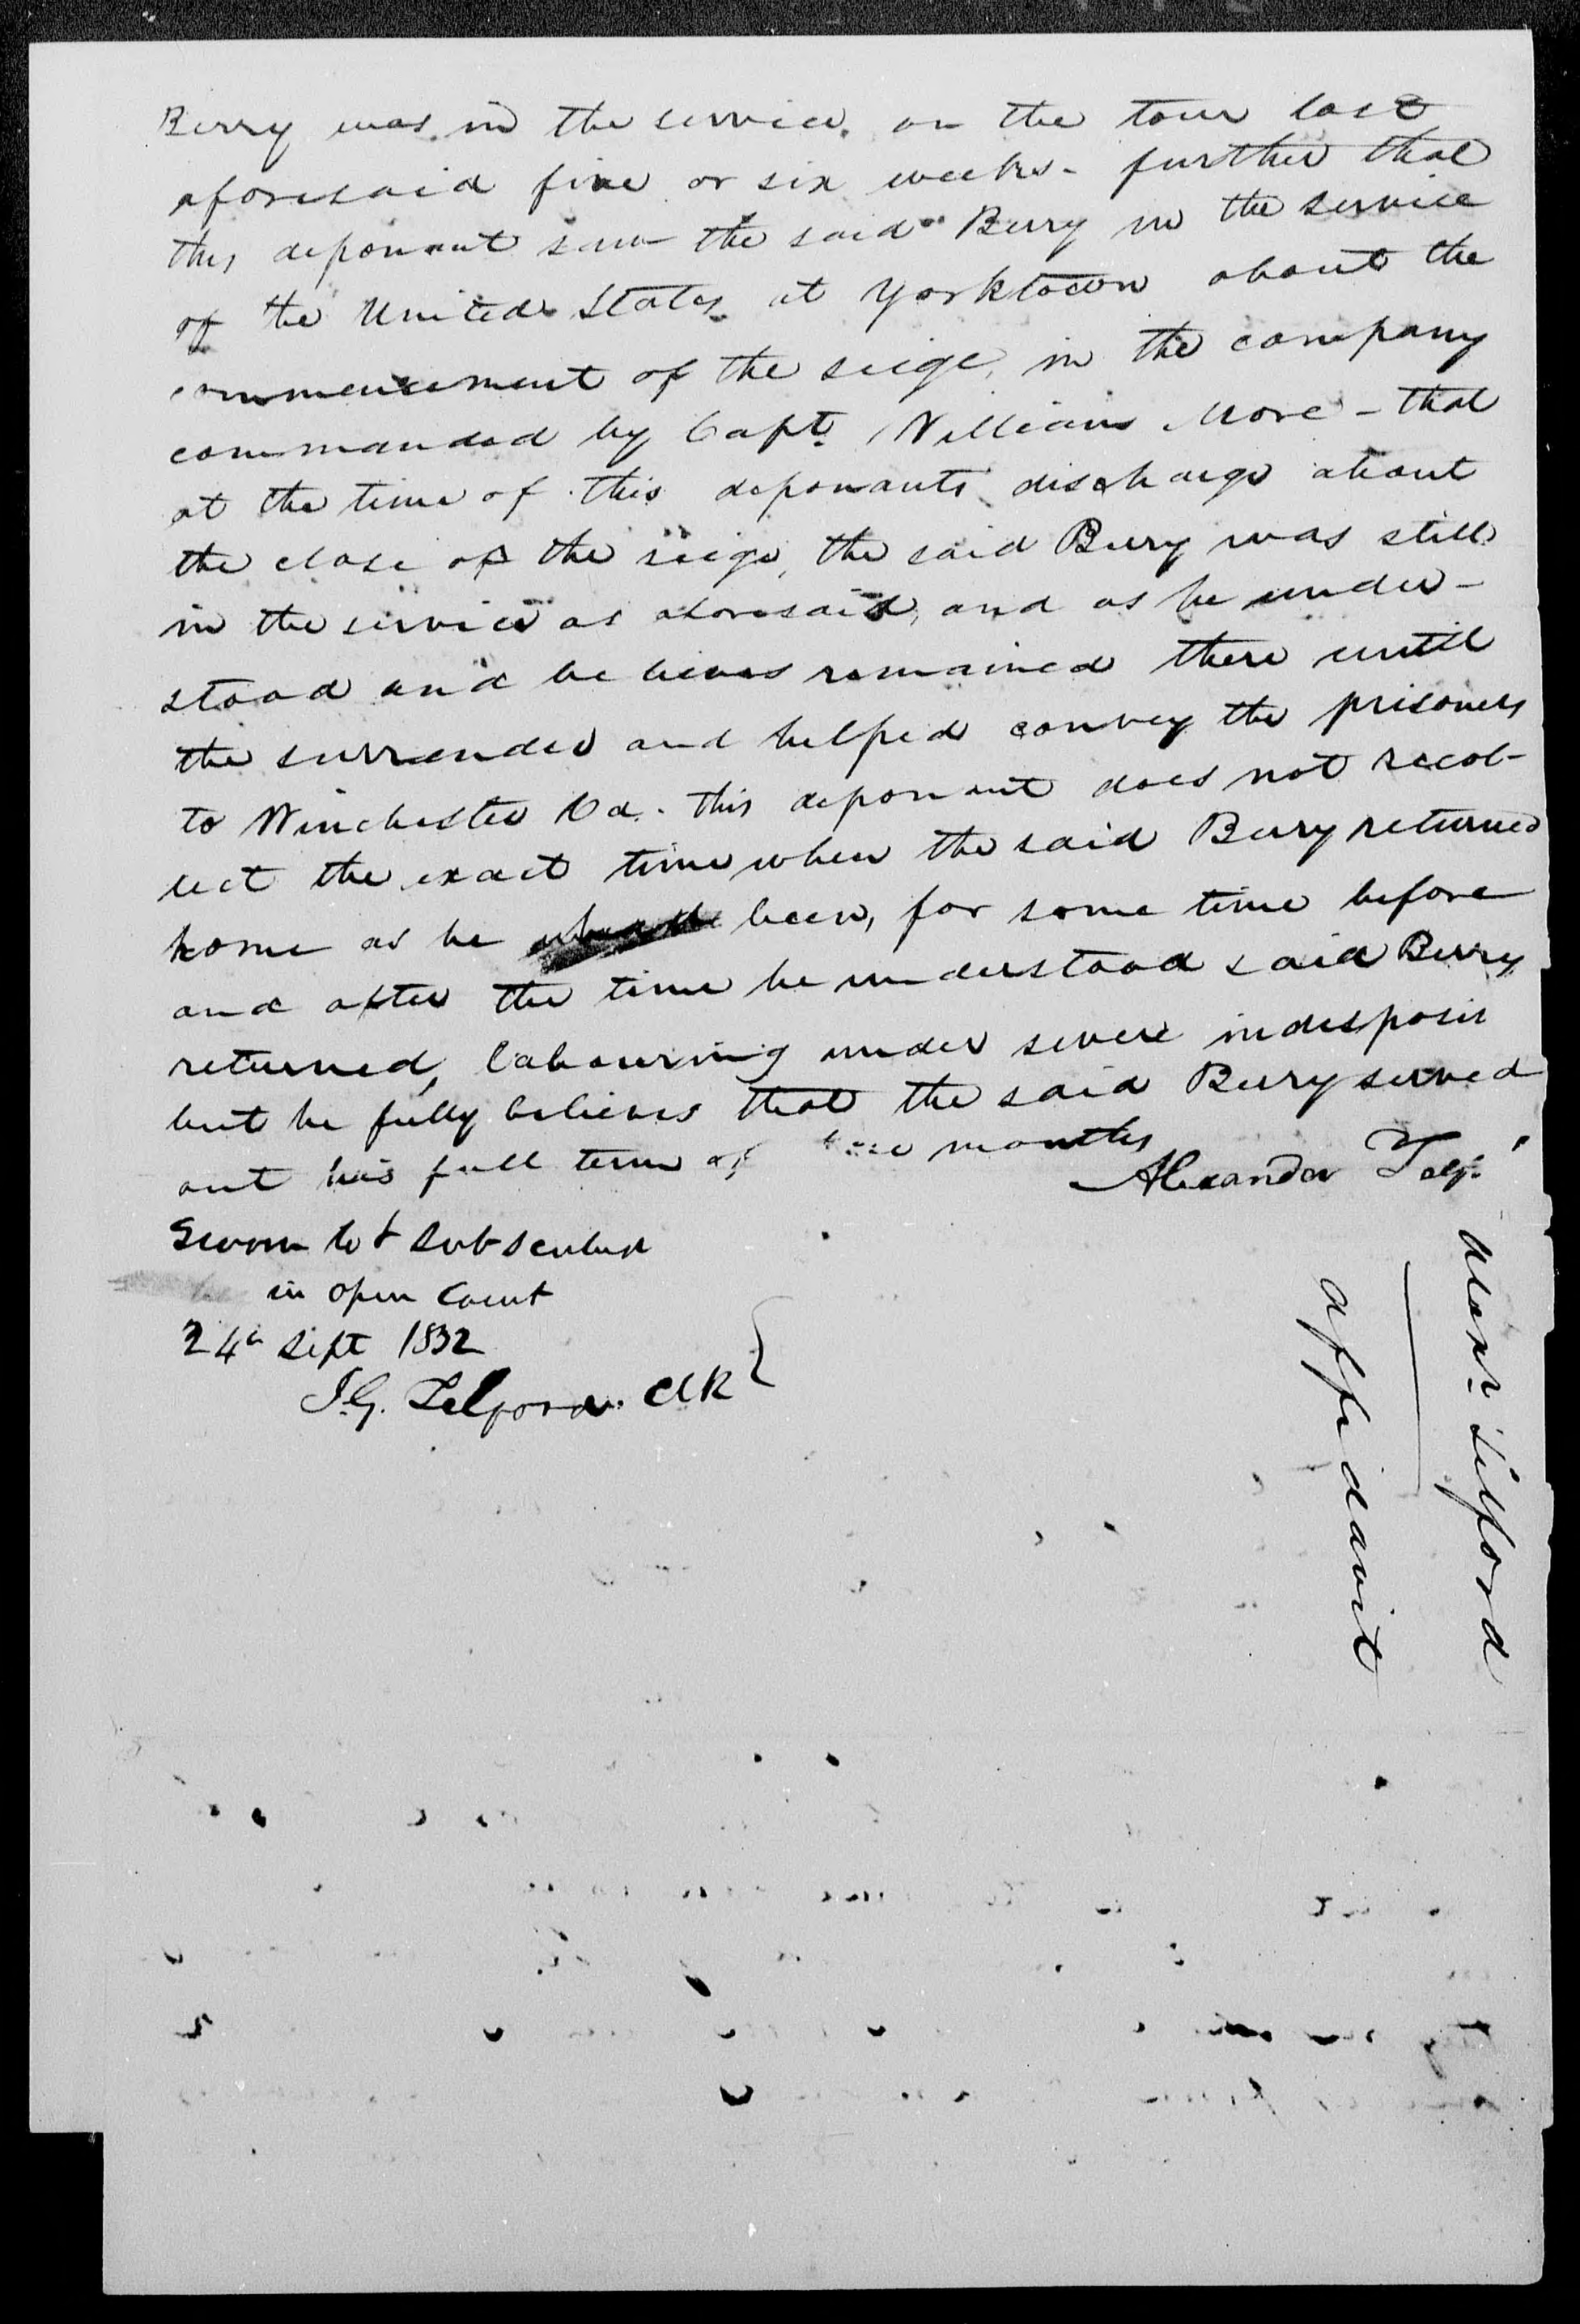Berry was in the service, on the tour last aforesaid five or six weeks – further that this deponant [deponent] saw the said Berry in the service of the United States at Yorktown about the commencement of the siege, in the company commanded by Capt. William More – that at the time of this deponant’s discharge about the close of the siege, the said Berry was still in the service as aforesaid, and as he understood and believes remained there until the surrender and helped convey the prisoners to Winchester Va. this deponant does not recollect the exact time when the said Berry returned home as he has been, for some time before and after the time he understood said Berry returned, labouring [laboring] under severe indisposit[ion] but he fully believes that the said Berry served out his full term of three months 
Alexander Telf[ord]
Sworn to & subscribed be in open Court 
24 Sept 1832 
J.G. Telford Clk [Clerk] 

[written sideways] Alexr Telford affidavit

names: Berry, Berry, Berry, Berry, Berry, J G Telford, Berry, Alexander Telford, Alexr Telford, William More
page: 21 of 21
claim: survivor's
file: S. 2,371, William Berry, Va.